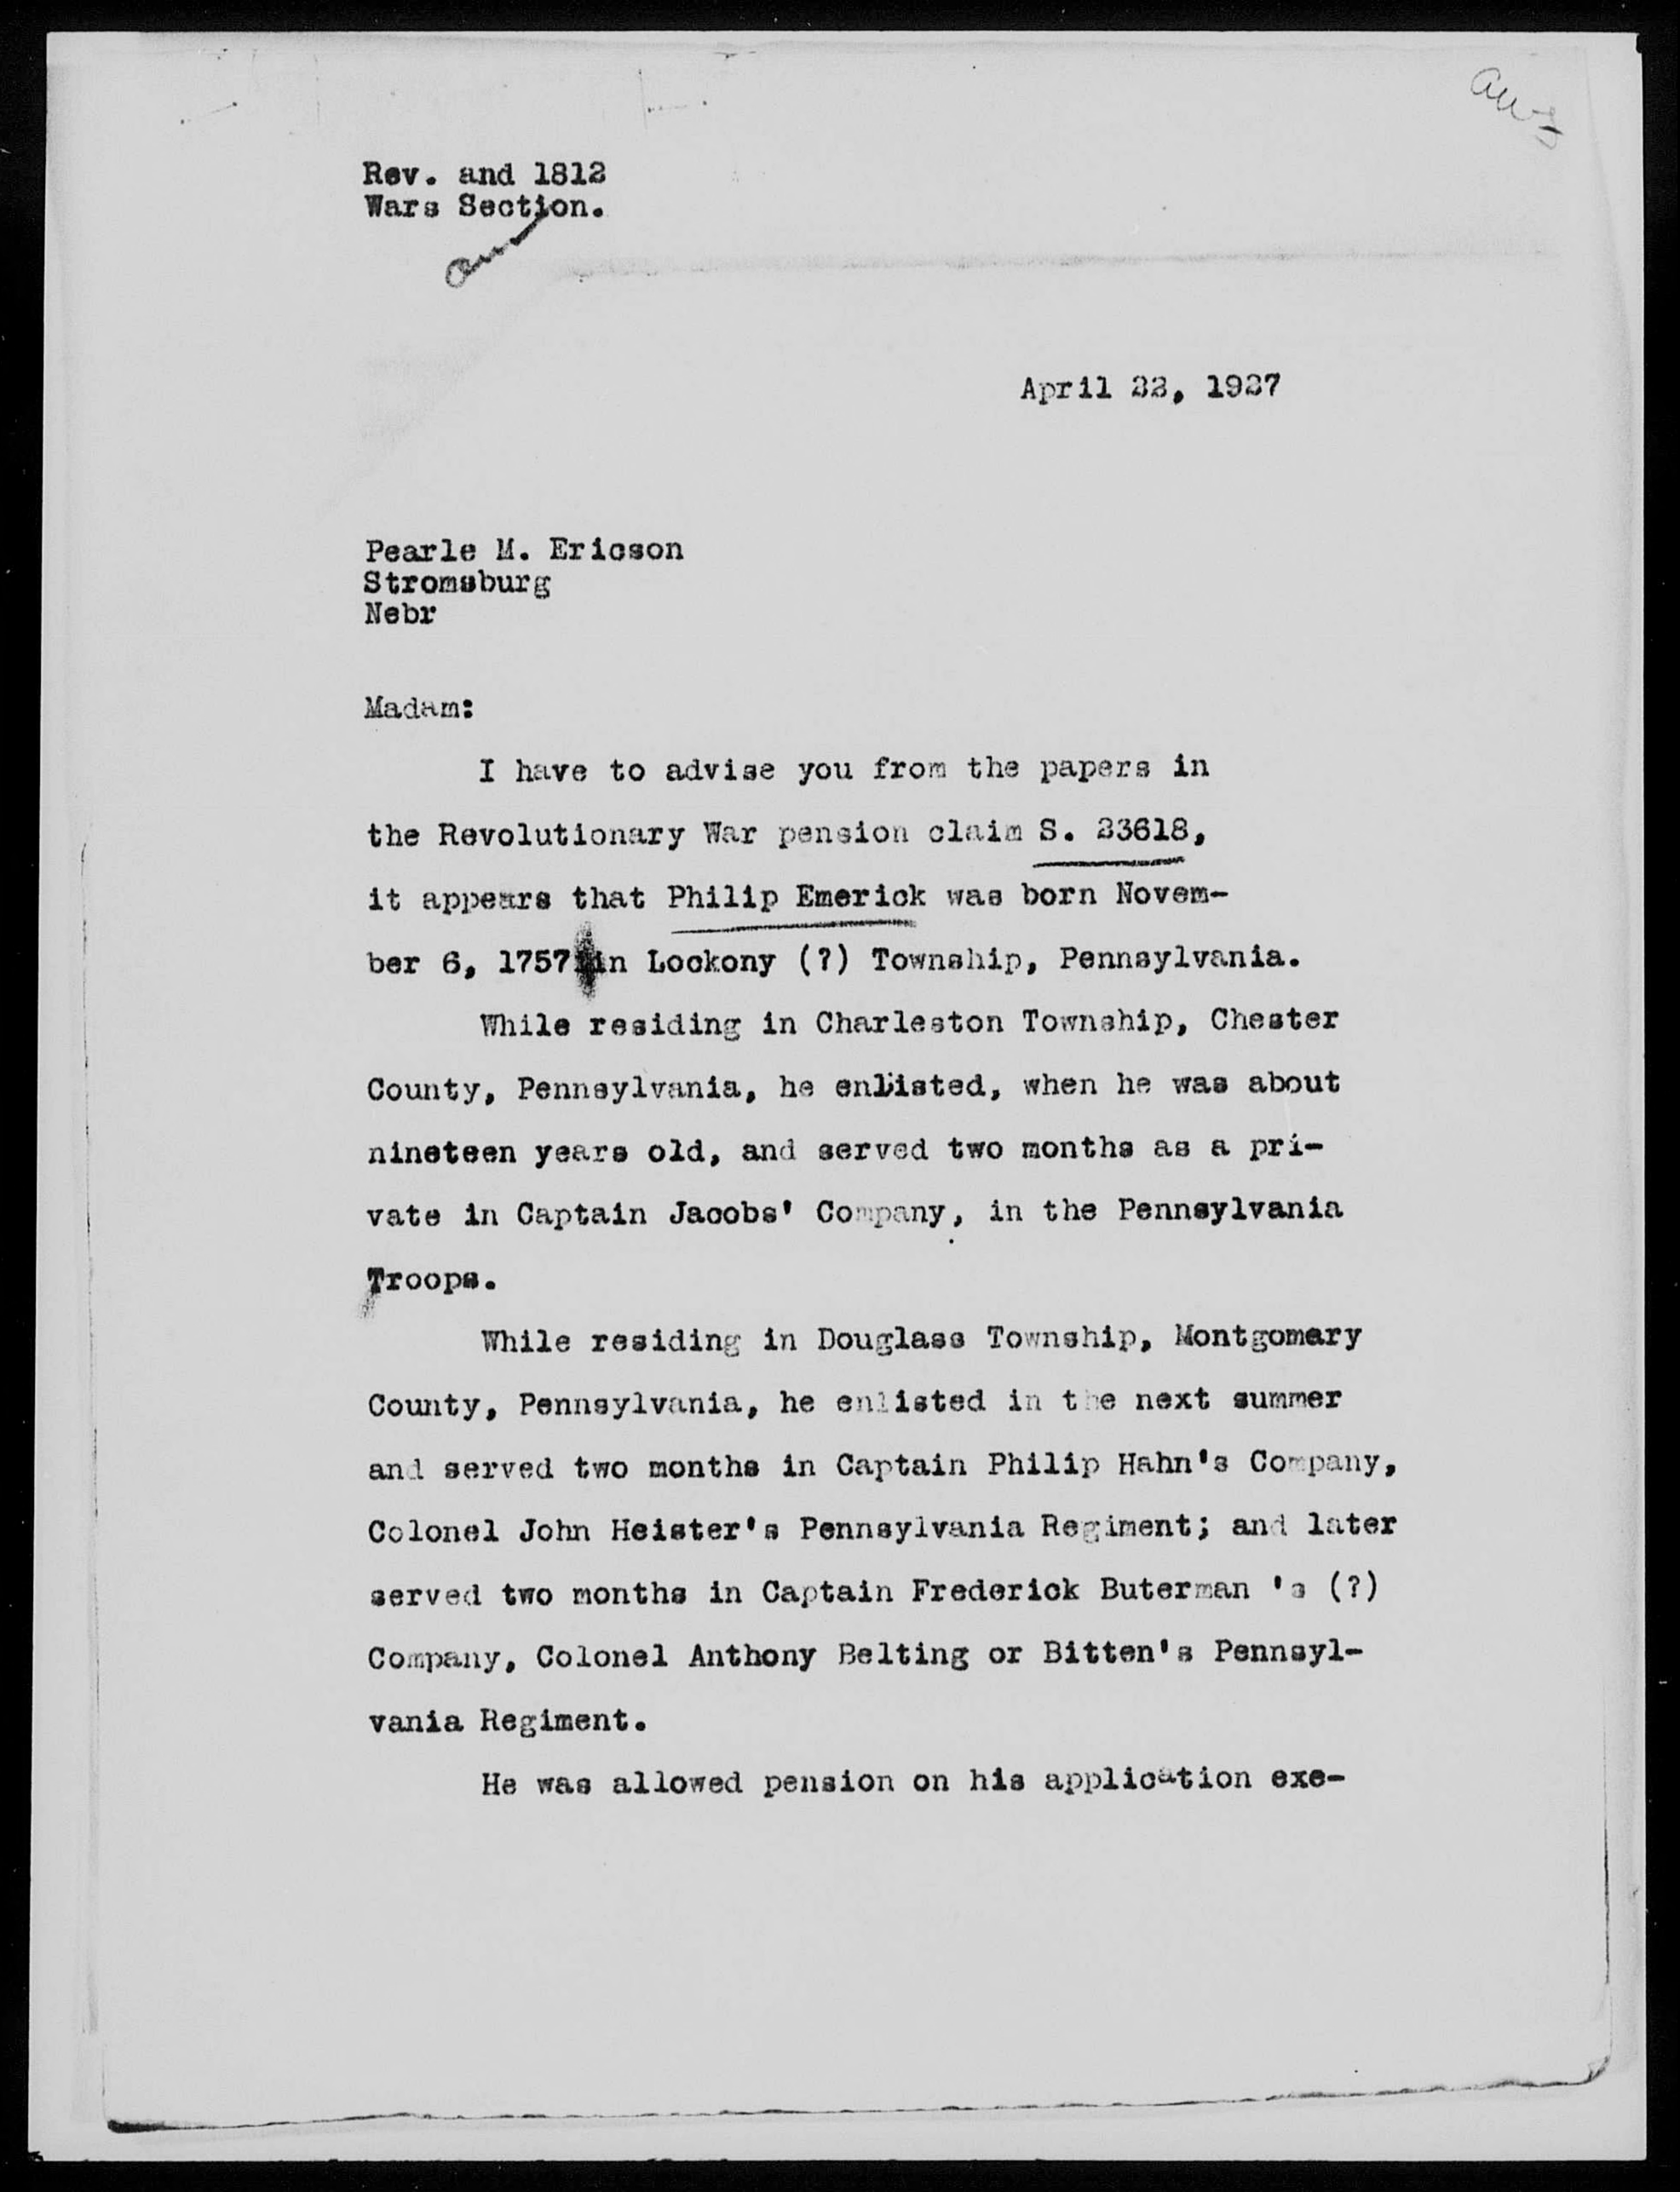Rev. and 1812
Wars Section.

April 22, 1927

Pearle M. Ericson
Stromsburg
Nebr

Madam:

I have to advise you from the papers in
the Revolutionary War pension claim S. 23618,
it appears that Philip Emerick was born November 6, 1757 in Lockony (?) Township, Pennsylvania.
While residing in Charleston Township, Chester
County, Pennsylvania, he enlisted, when he was about nineteen years old, and served two months as a private in Captain Jacobs' Company, in the Pennsylvania Troops.
While residing in Douglass Township, Montgomery County, Pennsylvania, he enlisted in the next summer and served two months in Captain Philip Hahn's Company, Colonel John Heister's[Hiester's] Pennsylvania Regiment; and later served two months in Captain Frederick Buterman's[Beiteman's]  (? ) Company, Colonel Anthony Belting or Bitten's[Bitting's] Pennsylvania Regiment.
He was allowed pension on his application exe-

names: Philip Emerick, Anthony Bitten, Anthony Belting, Pearle M Ericson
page: 17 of 29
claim: survivor's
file: S. 23618, Philip Emerick, Penn.